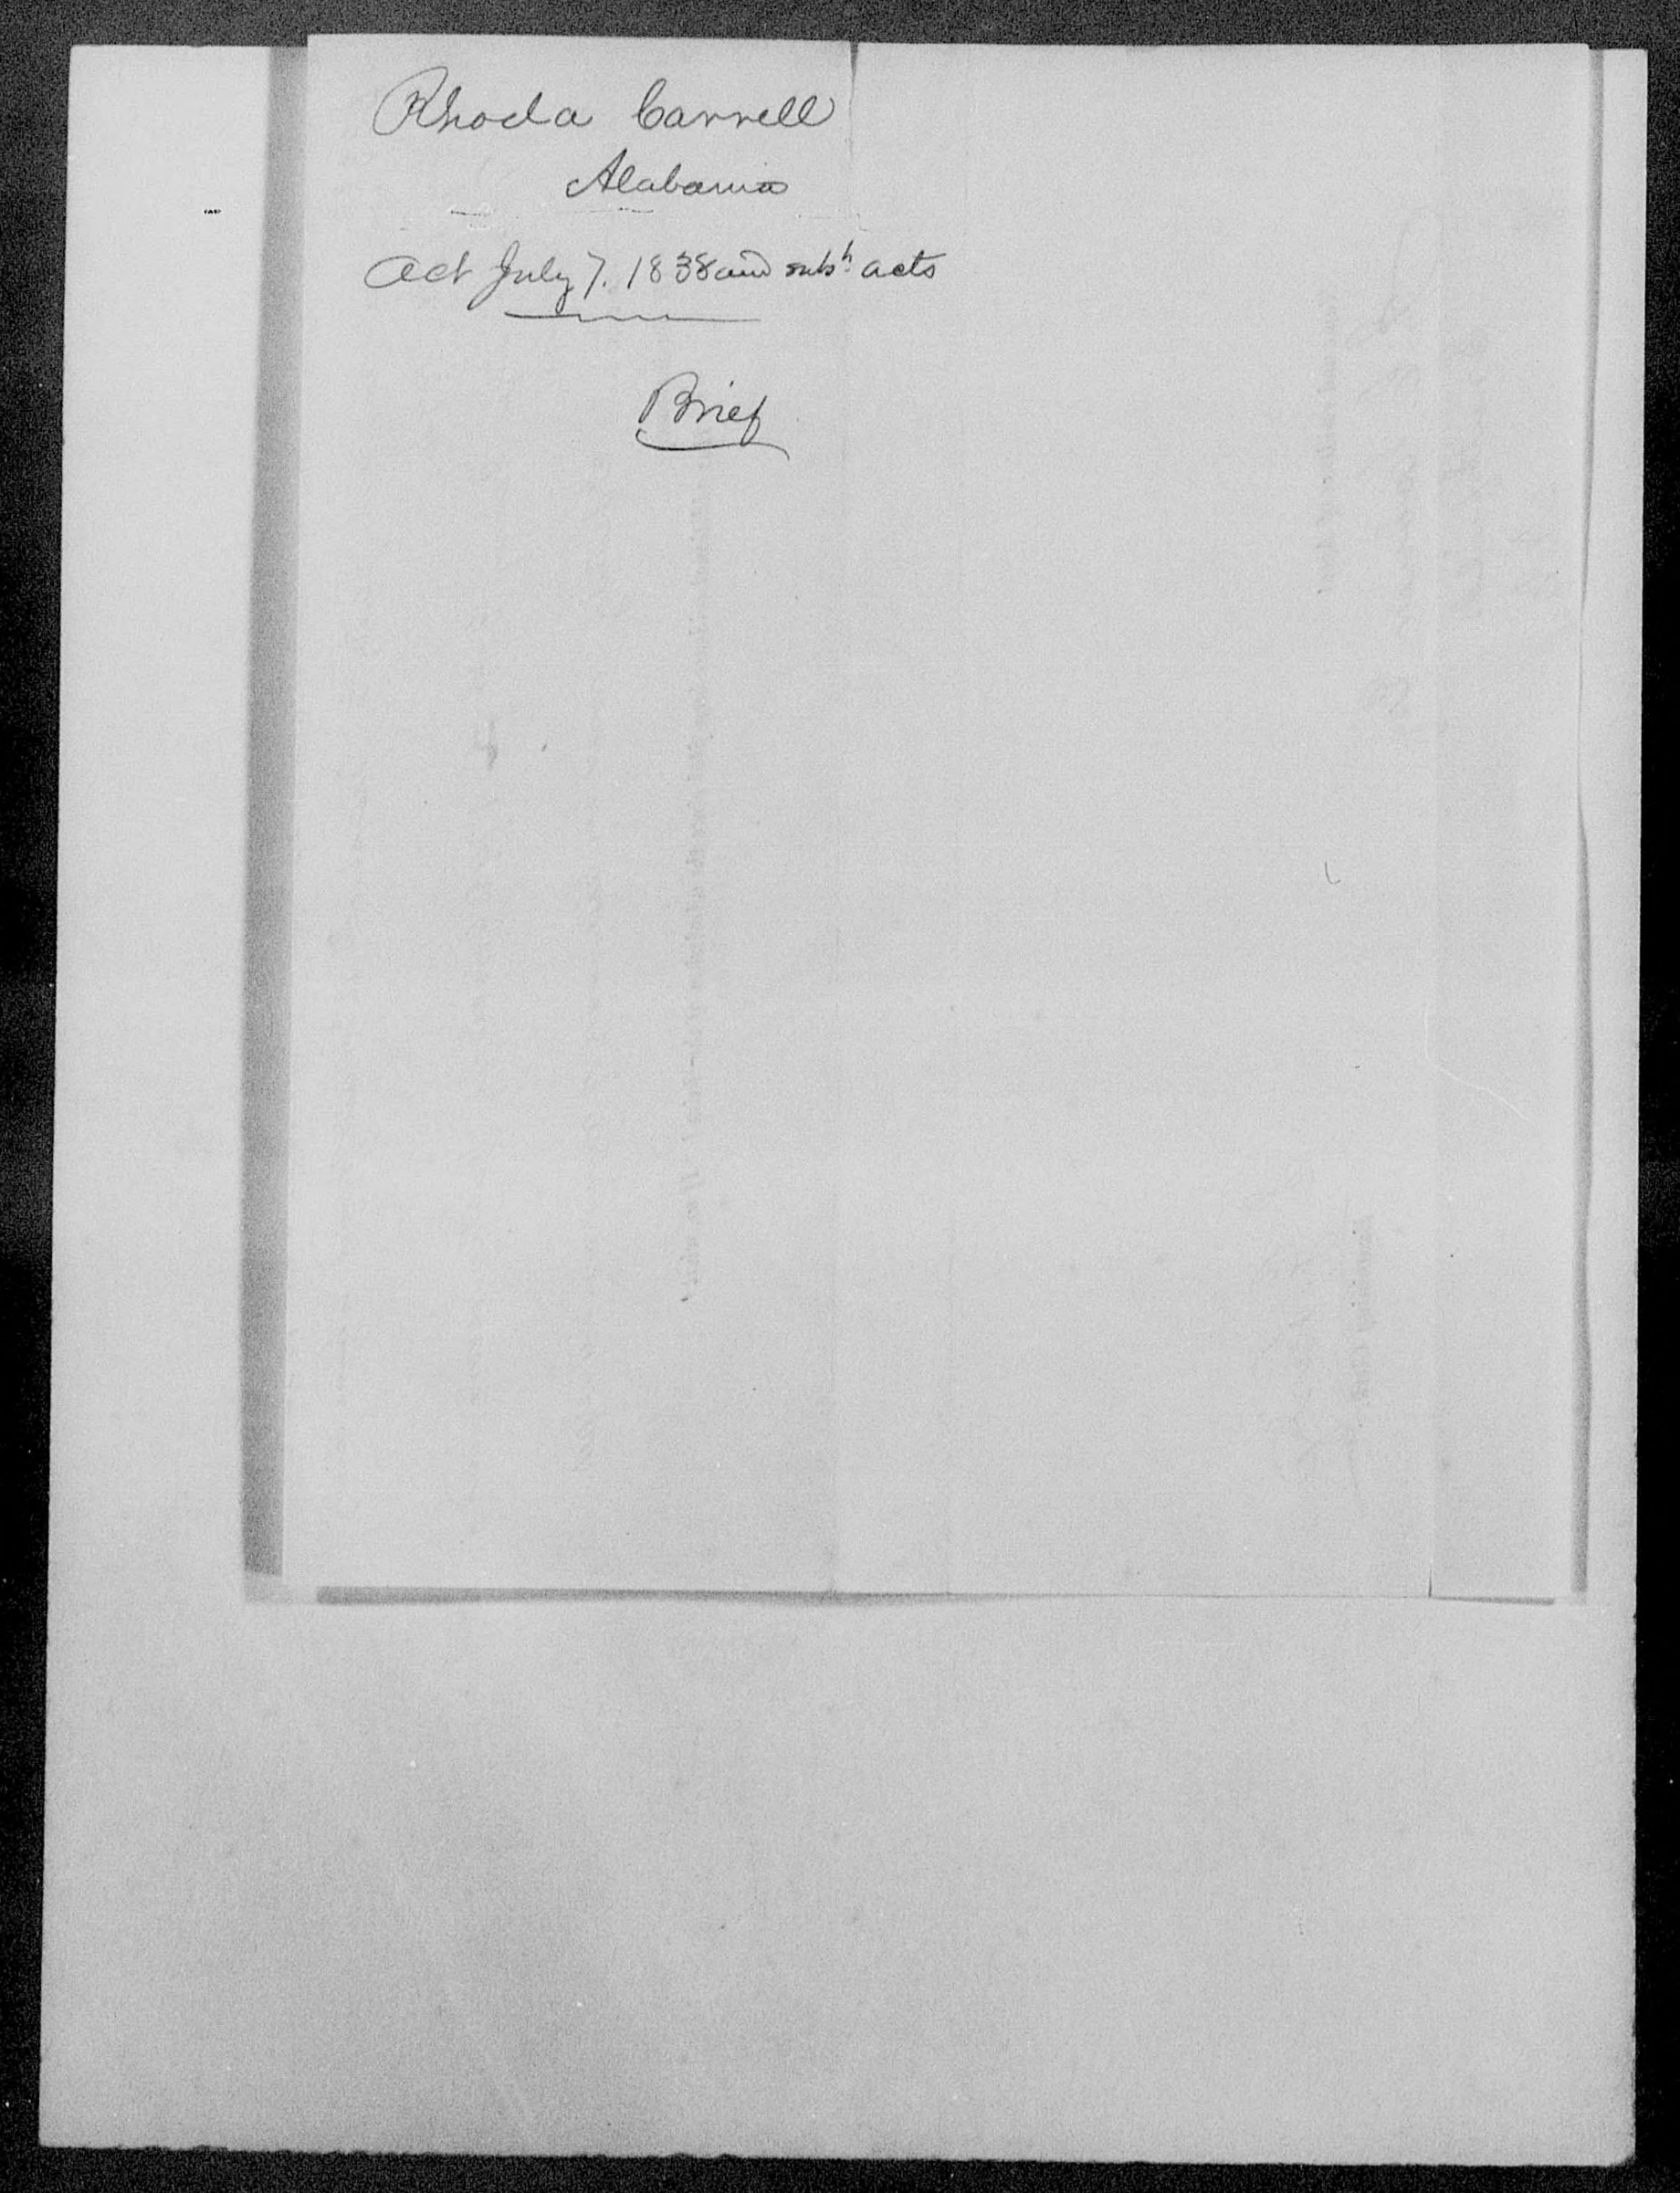Rhoda Carrell
Alabama

Act July 7, 1838 and July acts

Brief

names: Rhoda Carrell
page: 72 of 86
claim: widow's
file: W. 6899, James Carrell, N.C.